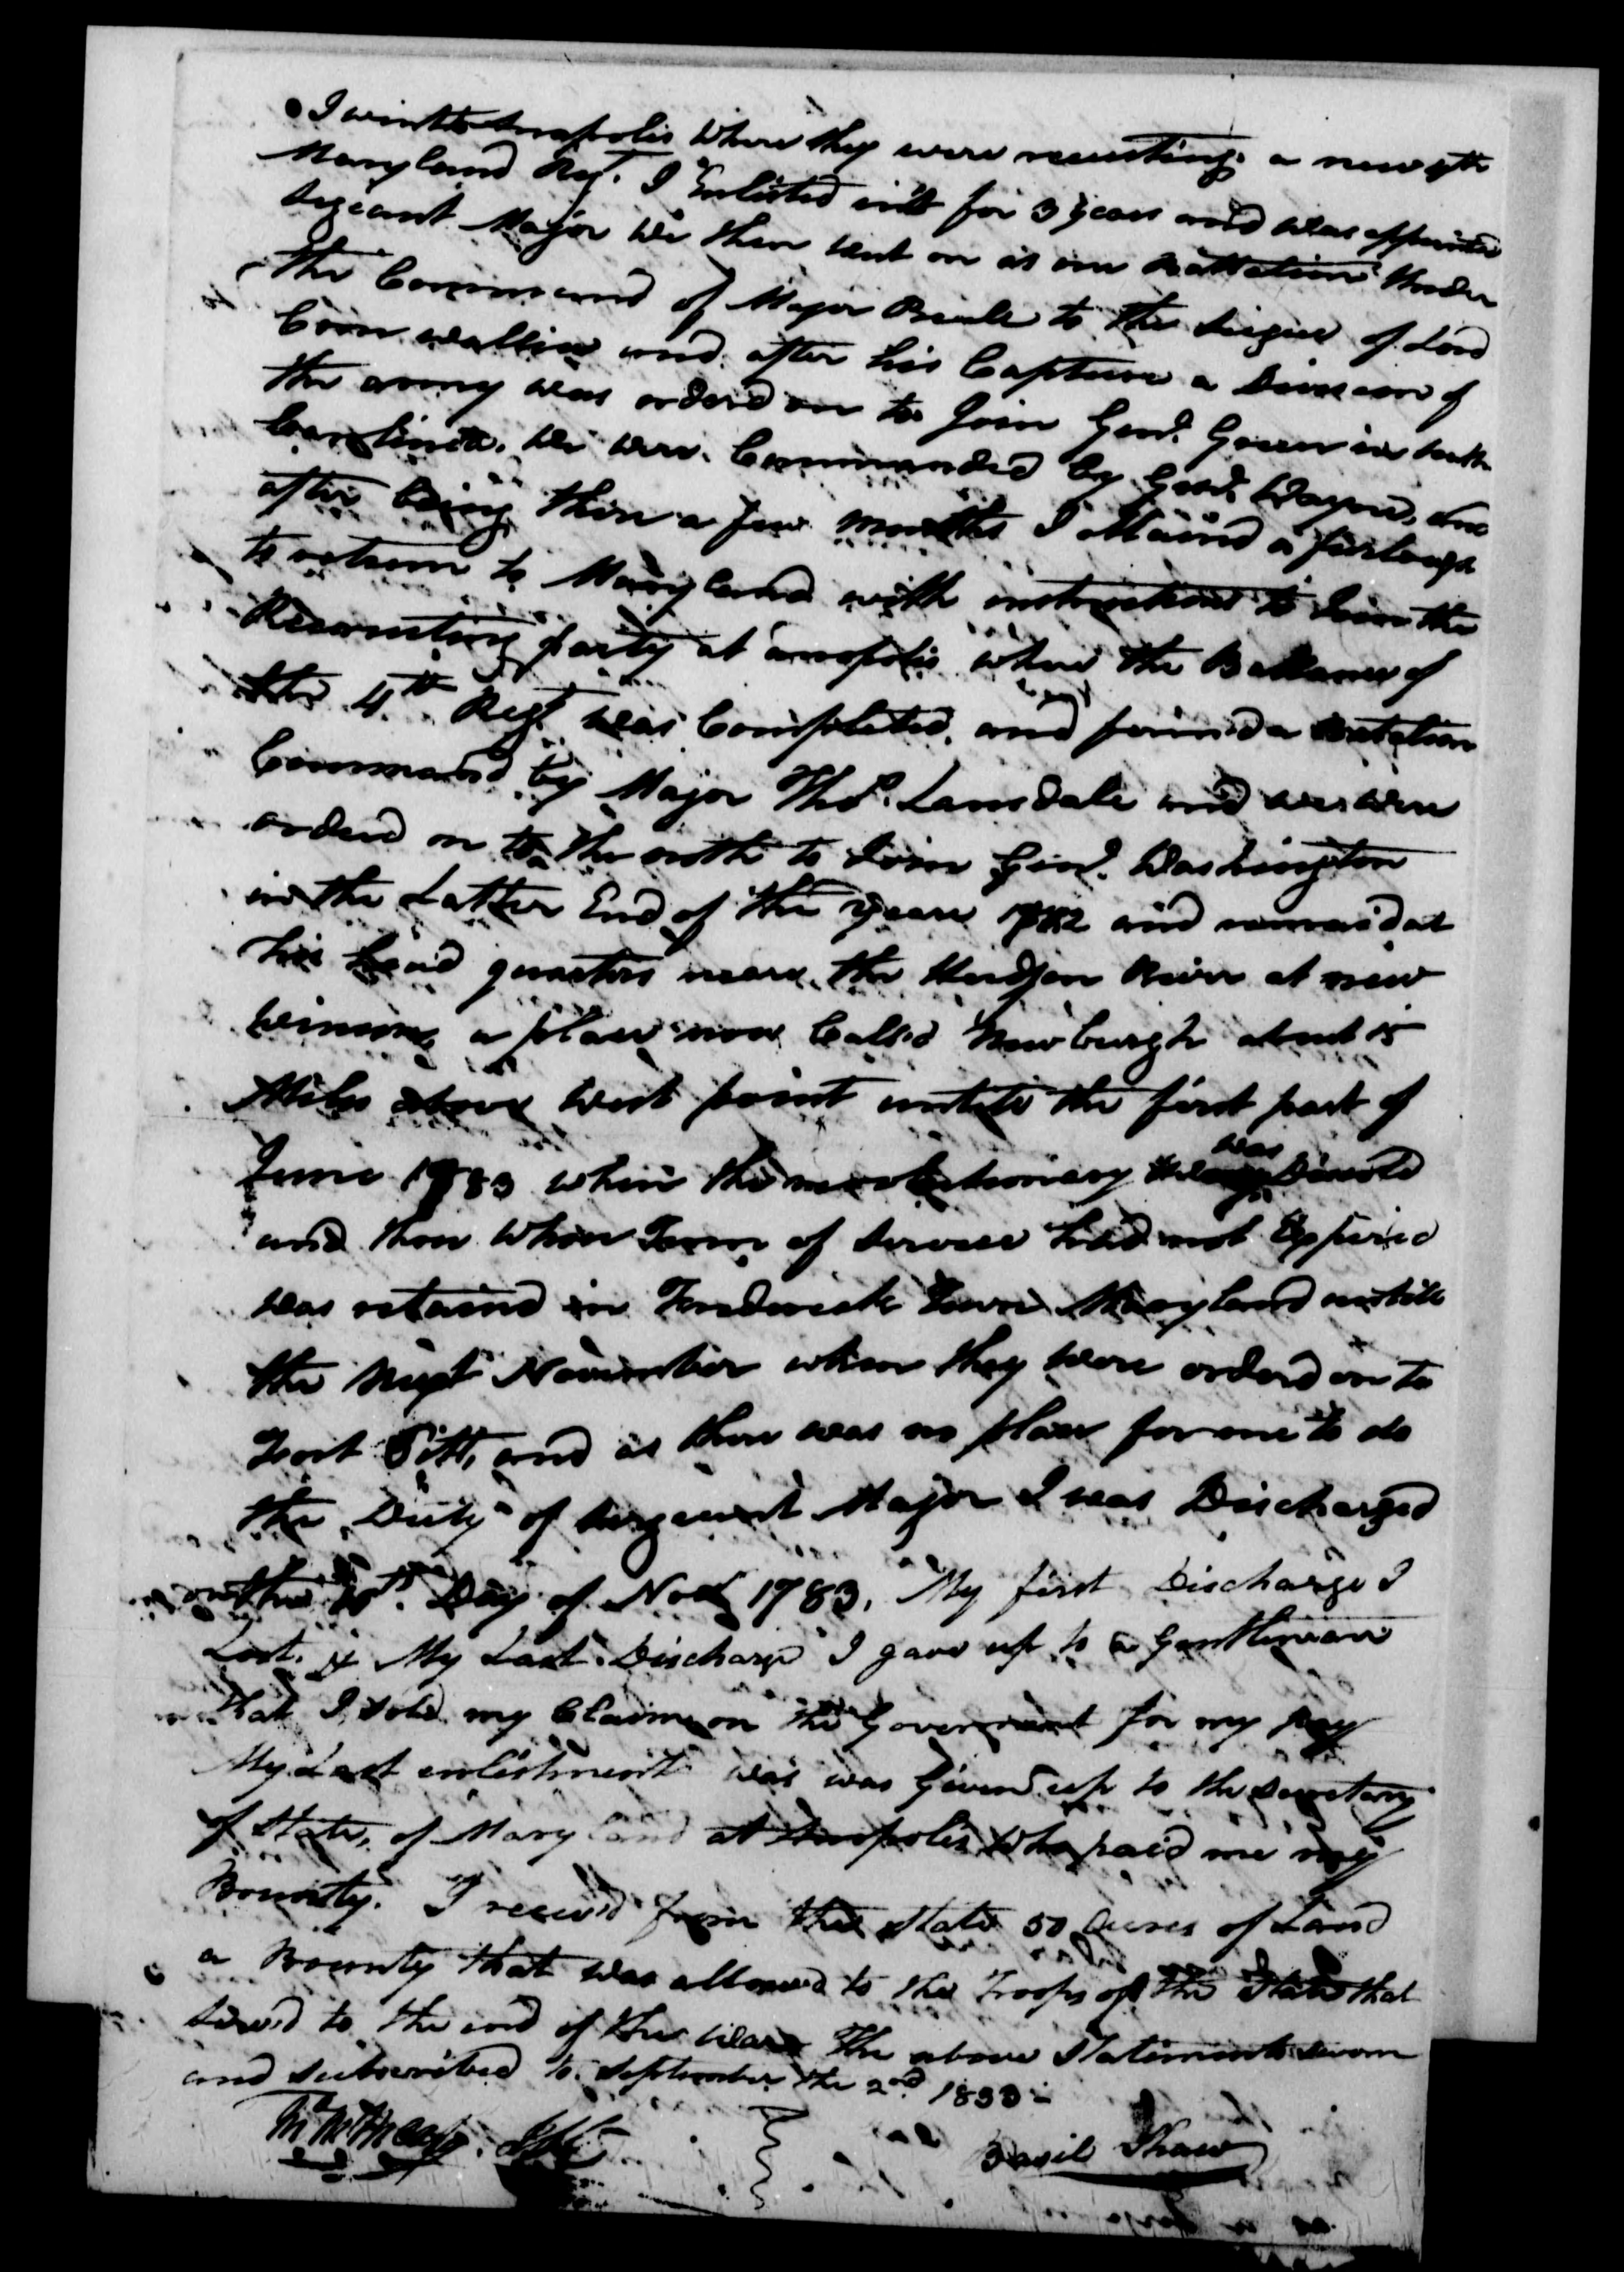I went to Annapolis where they were recruiting a new 4th Maryland Regiment. I enlisted in it for 3 years and was appointed Sergeant Major. We then went on as one battalion under
the command of Major Bank to the sieges of Lord Cornwallis. And after his capture a garrison of the army was ordered on to join General Gasser in South Carolina. He was commanded by General Wayne, and after being there a few months I obtained a furlough to return to Maryland with instructions to join the recruiting party at Annapolis where the balance of the 4th Regiment was completed. And joined a battalion commanded by Major Thomas Lansdale and was then ordered on to the north to join General Washington in the latter end of the year 1782. And remained at his headquarters near the Hudson River at New [illegible], a place now called Newburgh, about 15 miles above West Point until the first part of
June 1783 where the revolutionary army 
was. And then when tour of service had not expired, was retained in Fredericktown Maryland until the next November when they were ordered on to Fort Pitt. And as there was no place for me to do the duty of Sergeant Major, I was discharged on the 10th day of Nov. 1783. My first discharge I lost and my last discharge I gave up to a gentleman, and  sold my claim on the government for my pay.
My last enlistment also was given up to the Secretary of State of Maryland at Annapolis who paid me my bounty. I recv'd from the state 50 acres of land, a bounty that was allowed to the troops of the state that
served to the end of the War.
Basil Shaw

The above statement sworn and subscribed to September the 2nd 1833
John Mcafee, Justice of the Peace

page: 7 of 32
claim: survivor's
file: S. 16,526, for Basil Shaw, Maryland